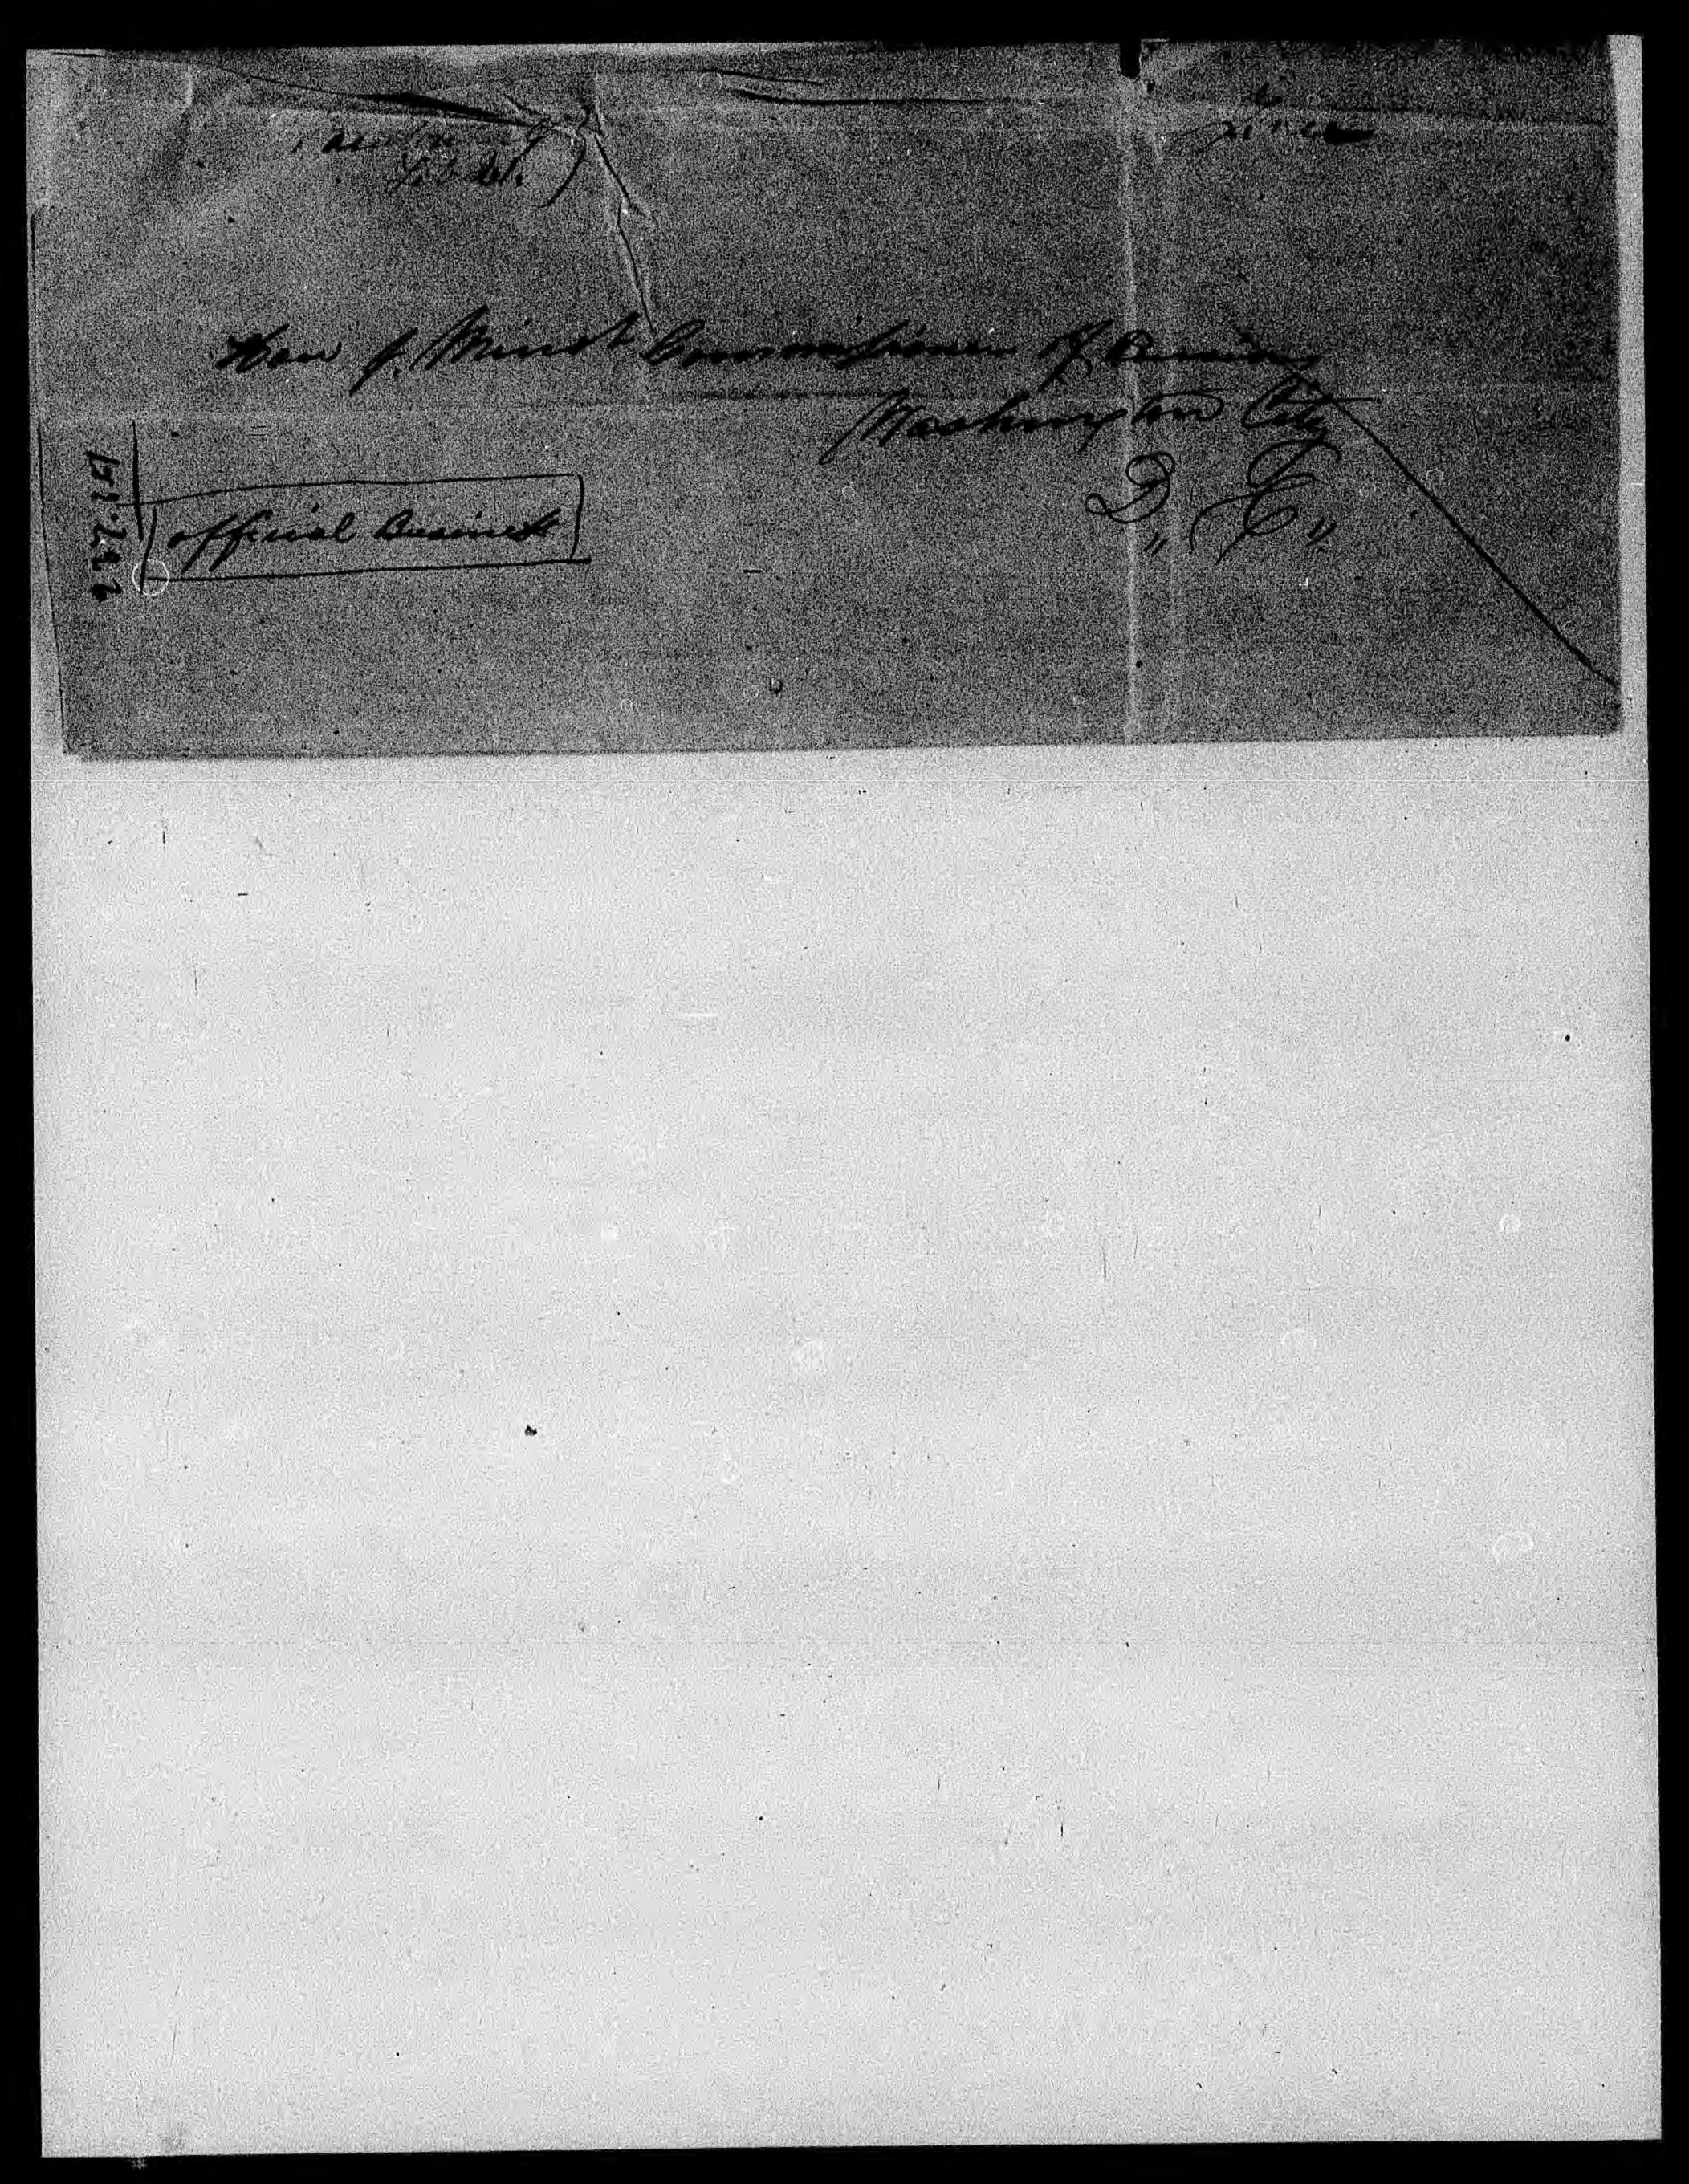[illegible ]
Free

Hon J. Minot
Commissioner of Pensions
Washington  City
D C

official Business
237.161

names: J Minot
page: 59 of 115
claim: widow's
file: W. 1446, for John Mc Clung, South Carolina